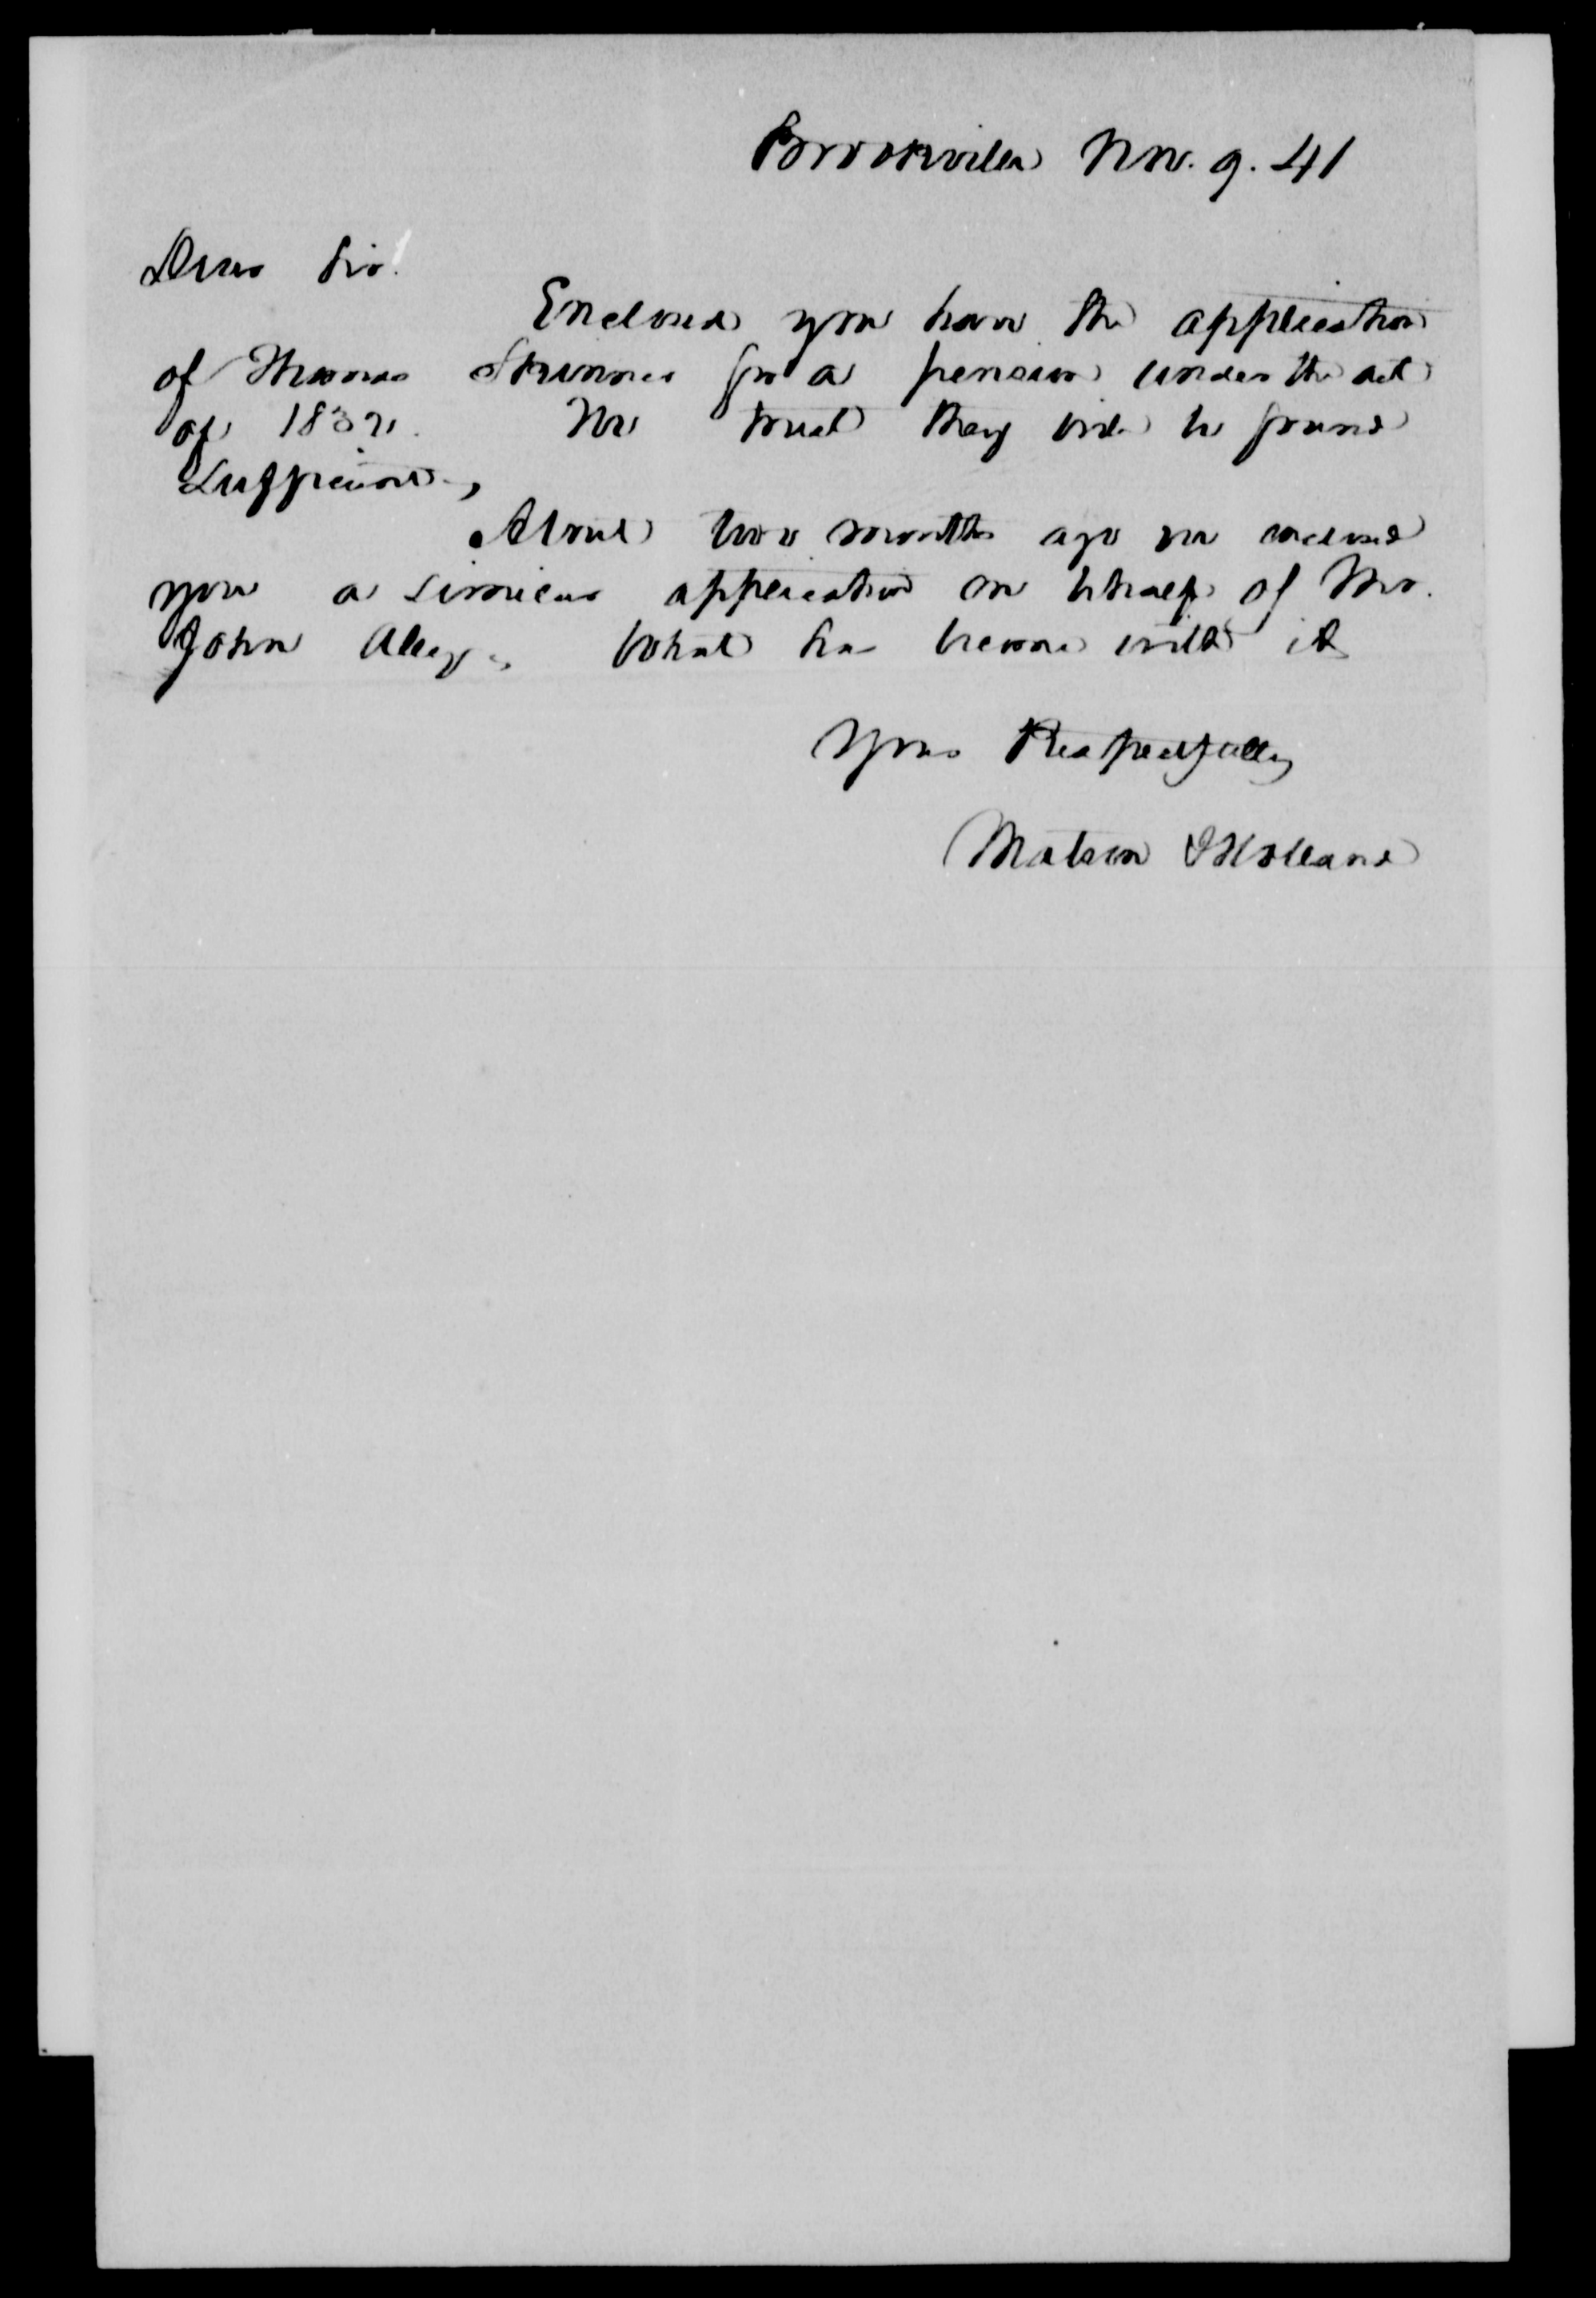Brookville Nov. 9. 41

Dear Sir,
Enclosed you have the application of Thomas Skinner for a pension under the act of 1832. We trust they will be found sufficient.

Almost two months ago we enclosed you a similar application on behalf of Mr.
John Alley. What has become with it

Yours respectfully
Watson Holland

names: John Alley; [BLANK] Watson; [BLANK] Holland; Thomas Skinner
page: 32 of 33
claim: rejected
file: R. 9635, for Thomas Skinner, Delaware